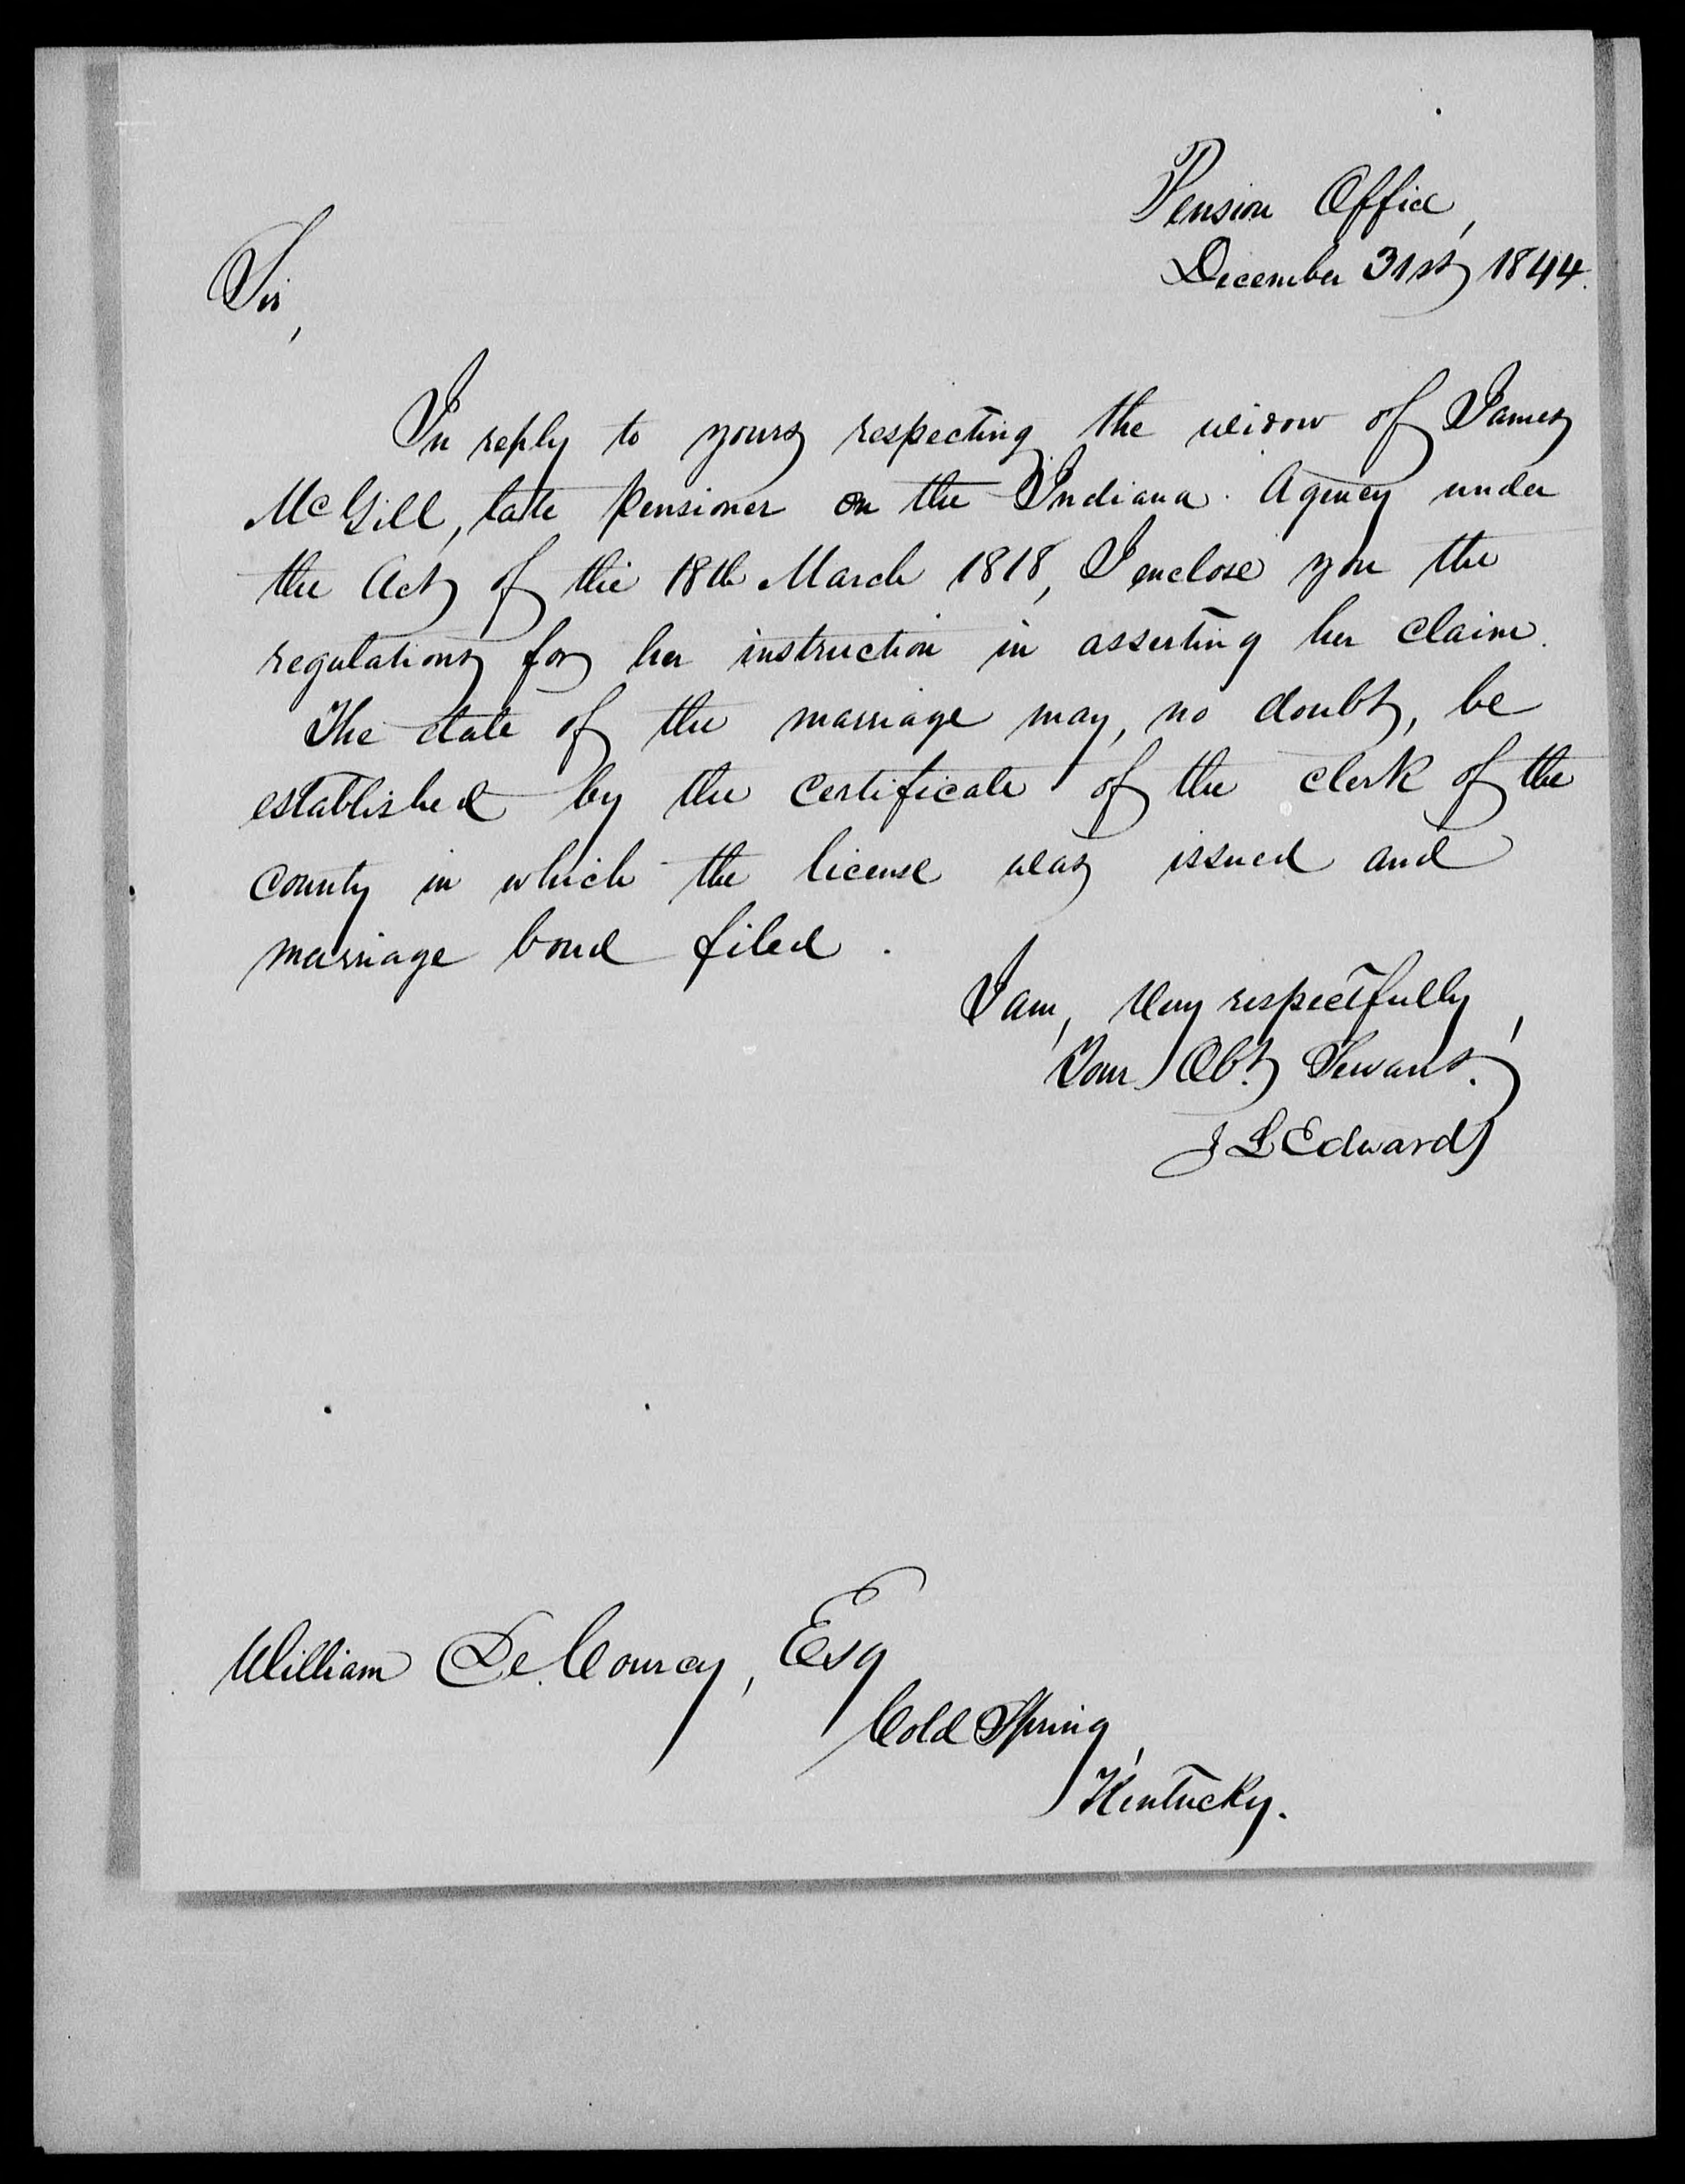Image 96		4160873_00096 	
Fold3 File #23857262
[Letter] 
Pension Office, December 31st 1844
Sir,
In reply to yours respecting the widow of James McGill late pensioner on the Indiana Agency under the Act of the 18th March 1818, I enclose you the regulations for her instruction in asserting her claim.
The date of the marriage may, no doubt, be esablished by the certificate of the clerk of the county in which the license was issued and marriage bond filed.
I am, very respectfully, Your Obt. [obedient] servant, J. L. Edwards

William DeCourcy, Esq, Cold Spring Kentucky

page: 38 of 71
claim: widow's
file: W. 8428, for James Mc Gill, Pennsylvania